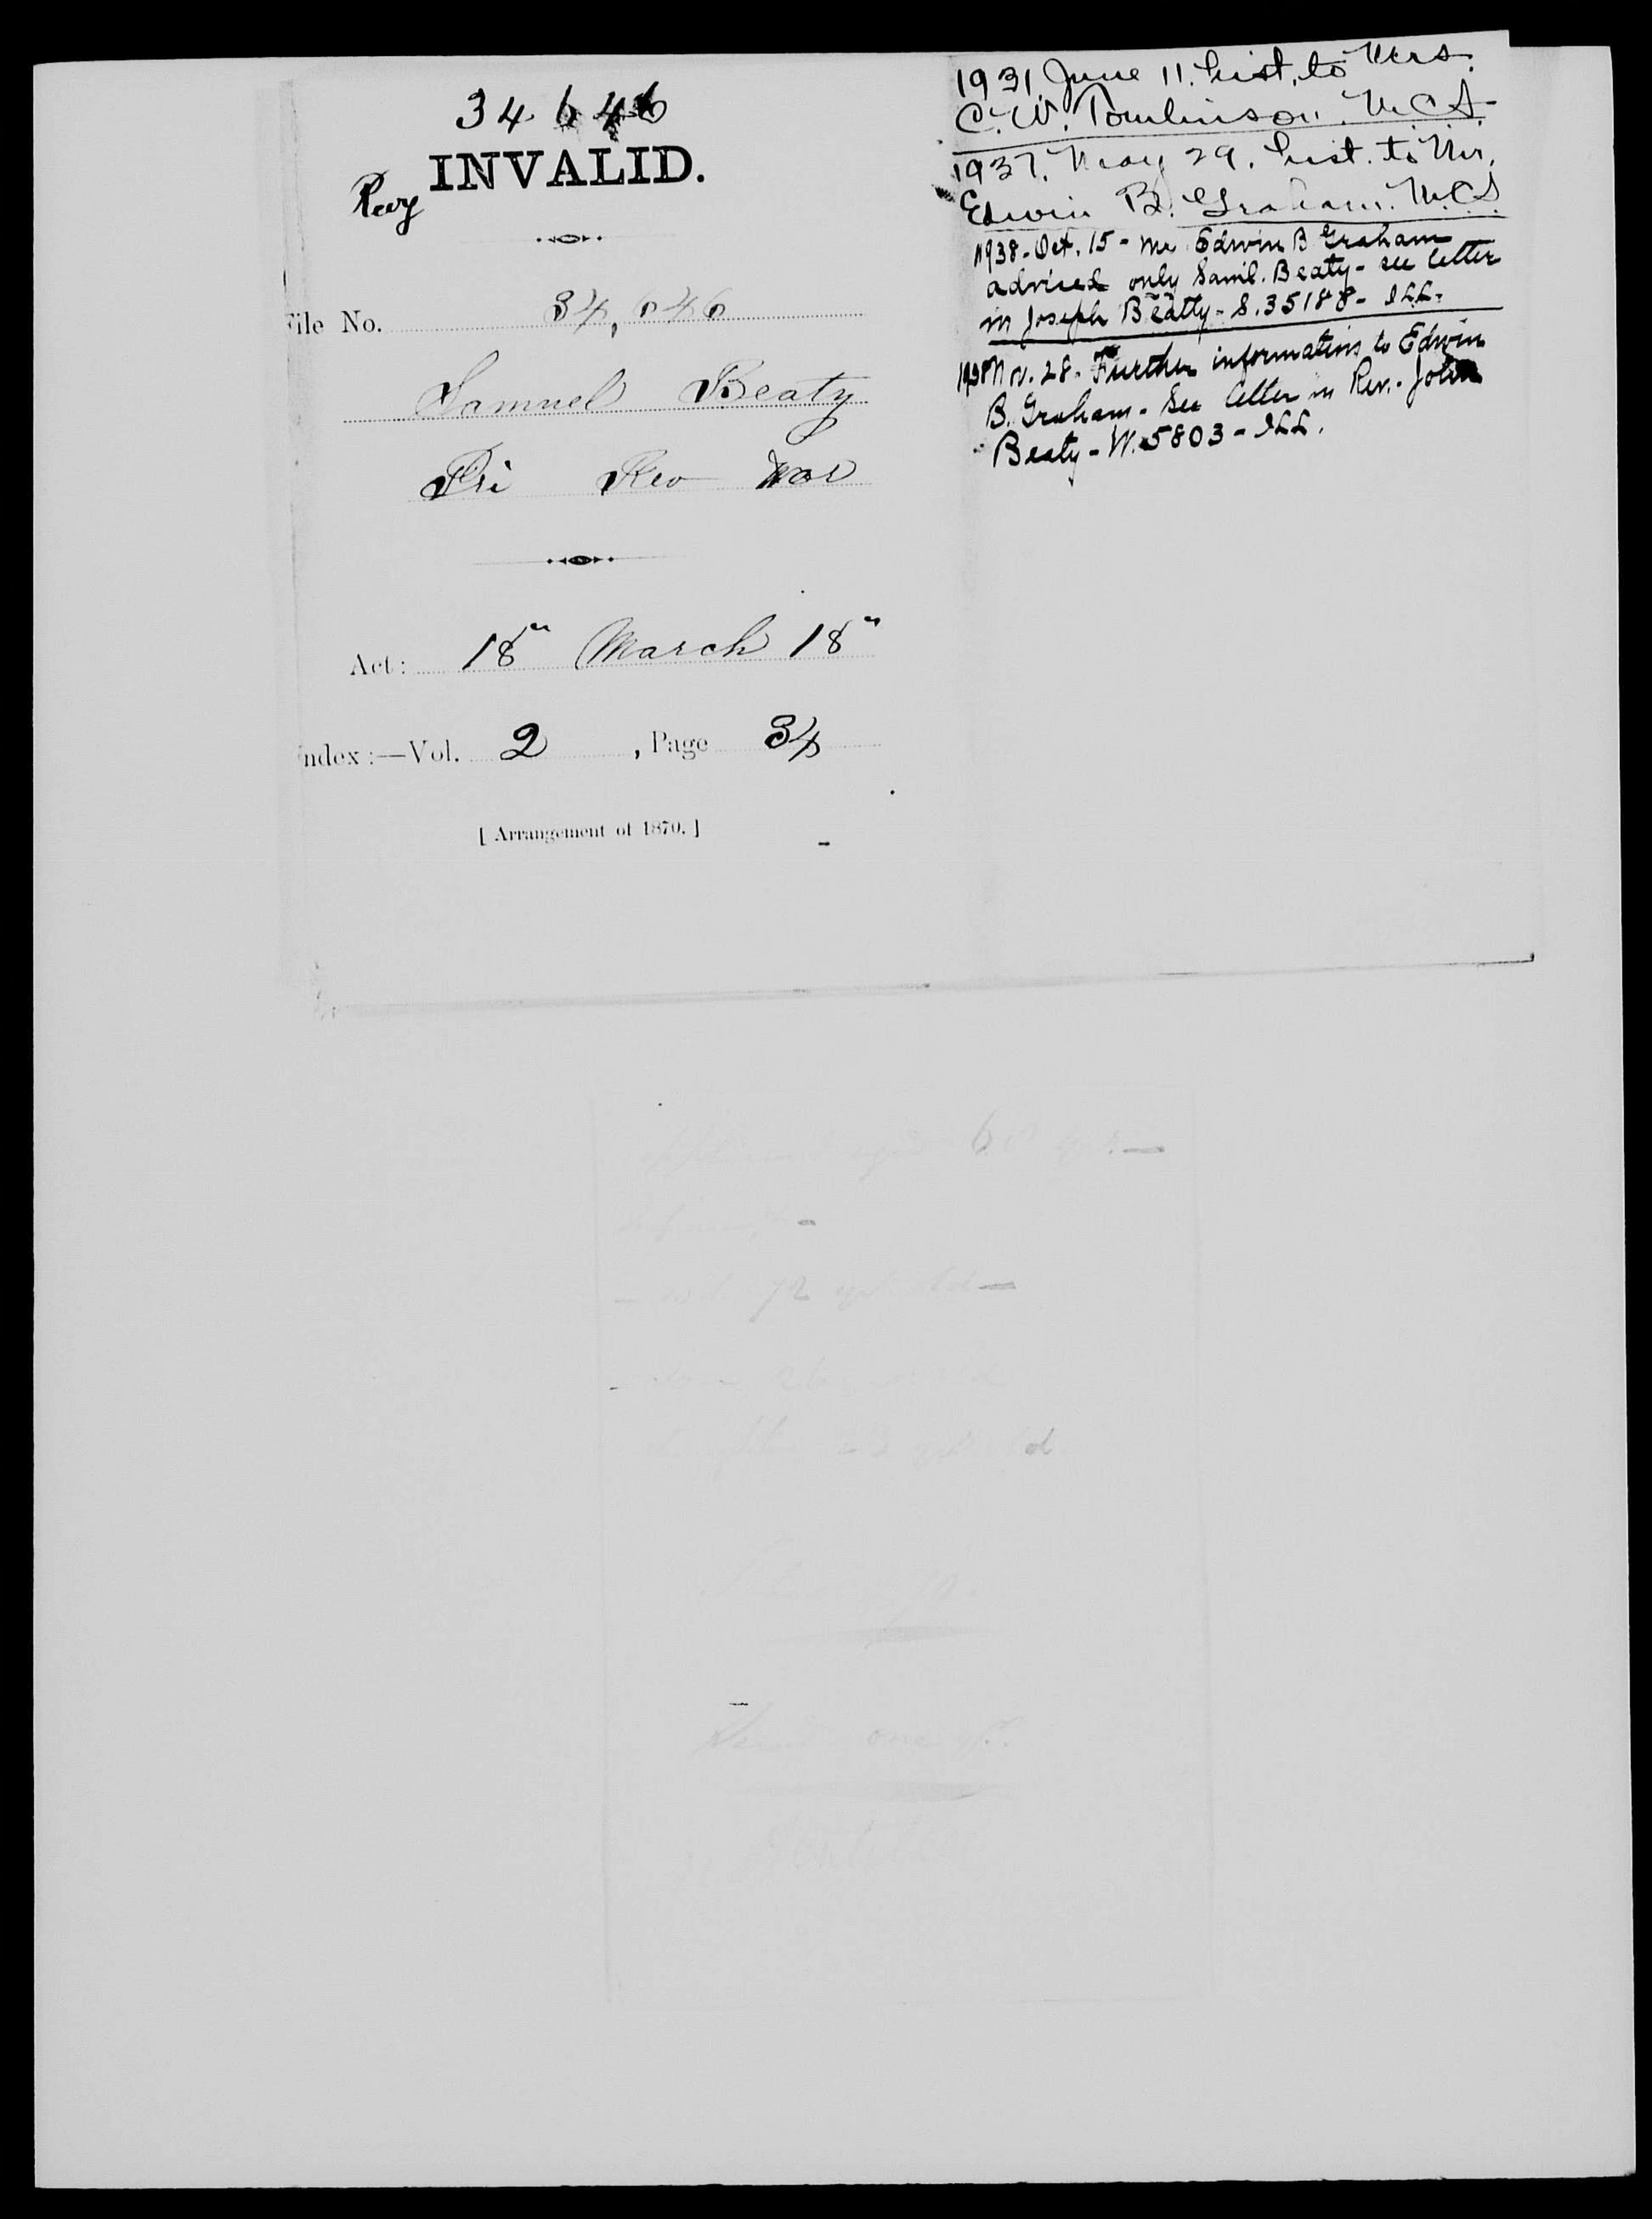34646
INVALID.
File No. 34,646
Samuel Beaty
Pri Rev War
Act: 18 March 18
Index:--Vol. 2, Page 34
[Arrangement of 1870.]

1931 June 11 Hist to Mrs
C. W. Tomlinson, UCA
-----
1937 May 29, First to Mr
Edwin B. Graham. M.C.S.
----
1938 Oct. 15 - Mr. Edwin B Graham
advised only Saml. Beaty - see letter
in Joseph Beatty - S.35188.
-----
1938 Nov. 28. Further information to Edwin
B. Graham. See letter in Rev. John Beatty - W.5803-JLL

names: Edwin B Graham, Samuel Beaty, Edwin B Graham, Edwin B Graham, Saml Beaty, C W Tomlinson, John Beaty, Joseph Beatty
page: 17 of 31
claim: survivor's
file: S. 34646, Samuel Beaty, Penn.